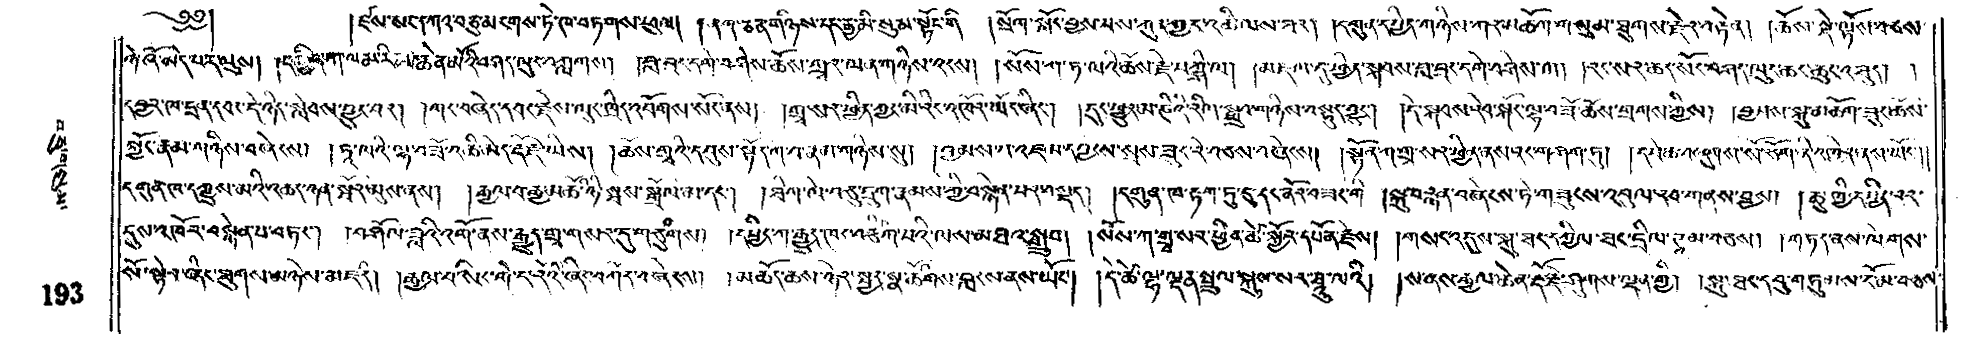༄༅། །ཛས་སང་དཀའ་བཅུ་མངགས་ཏེ་ཁ་བཏགས་ཕུལ། །ནག་ཅན་གཉིས་དང་རྒྱ་མི་སུམ་སྟོང་གི །སྲོག་སློང་བྱས་པས་ཀུན་ཀྱང་འཆི་ལས་ཐར། །དགུན་དཔྱིད་གཉིས་ཀར་མཆོག་གསུམ་ཐུགས་རྗེར་བརྟེན། །ཆོས་སྡེ་ལྟོས་བཅས་
ཉེ་འོ་མེད་པར་ལུས། །དབྱིད་ཀ་ལམ་རིམ་ཆེན་མོའི་བཤད་ལུང་བཀླགས། །བླ་བྲང་དགེ་བཤེས་ཆོས་གྲྭར་ལན་གཉིས་འངས། །སོས་ཀ་ཏ་ལའི་ཆོས་རྗེ་པཀྴི་ལ། །མཇལ་དུ་ཕྱིན་སྐབས་བླ་བྲང་དགེ་བཤེས་ལ། །རང་སར་ཆར་སོང་བཤད་ལུང་ཆང་ཆུང་འཐུད། །
དབྱར་ཁ་དྲན་དབང་དེ་ཉིད་སླེབས་བྱུང་བར། །གང་བཞེད་དབང་རྗེས་ལུང་ཁྲིད་འབོགས་སོང་ནས། །གྲྭ་?སར་ཕྱིན་ཀྱང་མི་རིང་འཁྱོར་ཡོང་ཞིང་། །དུང་ཕྱུར་མ་ཎིའི་རིག་སྒྲུབ་གཉིས་བསྟུད་བྱུང་། །དེ་སྐབས་རེབ་སྐོར་ལྷ་བཟོ་ཆོས་གྲགས་ཀྱིས། །བྱབས་སྐུ་མཆོག་ཟུང་ཆོས་
སྐྱོང་རྣམ་གཉིས་བཞེངས། །ཏཱ་ལའི་ལྷ་བཟོ་འཆི་མེད་རྡོ་རྗེ་ཡིས། །ཆོས་གྲྭའི་དབུས་སྟོད་ག་བ་རྣམ་གཉིས་སུ། །བྱམས་པ་འཇམ་དབྱངས་སྲས་ཟུང་རེ་བཅས་བཞེངས། །སྟོན་ཀ་གྲྭ་སར་ཕྱིན་ནས་རང་གཤག་ཏུ། །དཔེ་ཆ་བཞུགས་སོ་ཅོག་ནི་འཁྱེར་ནས་ཡོང།།
དགུན་ཁ་དཀྱུས་མའི་འཆད་ཉན་སྤོར་མུས་ནས། །རྒྱལ་བ་རྒྱ་མཚོ་ཉི་སྦས་སྒྲོལ་མ་དང་། །ཐིག་ལེ་བཅུ་དྲུག་རྣམས་ཀྱི་བསྙེན་པར་བསྡད། །དགུན་ཁ་རྟག་ཏུ་དུ་དང་ནོར་བཟང་གི །སྐུ་བསྙན་བཞེངས་ཏེ་གཟུངས་འབུལ་རབ་གནས་བྱས། །ཆུ་ཁྱི་དཔྱིད་བར་
དུས་འཁོར་བསྙེན་པ་བཏང་། །བཤོལ་ཟླའི་འགོ་ནས་རྒྱུད་གྲྭ་གསར་དུ་གཅུགས། །དཔྱིད་ཀ་རྒྱུད་ཁང་བརྩིག་པའི་ལས་མཐའ་སྒྲུབ། །སོས་ཀ་གྲྭ་སར་ཕྱིན་ཚེ་སྐྱོར་དཔོན་རྗེས། །གསང་འདུས་སྐུ་ཐང་དཀྱིལ་ཐང་དྲིལ་ཊཱ་མ་བཅས། །གཏད་ནས་ལེགས་
སོ་སྟེར་ཞིང་ཐུགས་མཉེས་མཛད། །རྒྱལ་བ་སིང་གེ་ང་རོའི་ཞིང་བཀོད་བཞེངས། །མཆོད་ཆས་ཉེར་སྤྱད་སྣ་ཚོགས་བླངས་ནས་ཡོང་། །དེ་ཚེ་ལྷ་ལྡན་སྤྲུལ་སྐུར་སར་ཐཱུ་ལའི། །ས་ནས་རྒྱལ་ཆེན་རྡོ་རྗེ་ཤུགས་ལྡན་གྱི། །སྐུ་ཐང་དབུ་གཏུམས་ངོ་མ་བཅས་